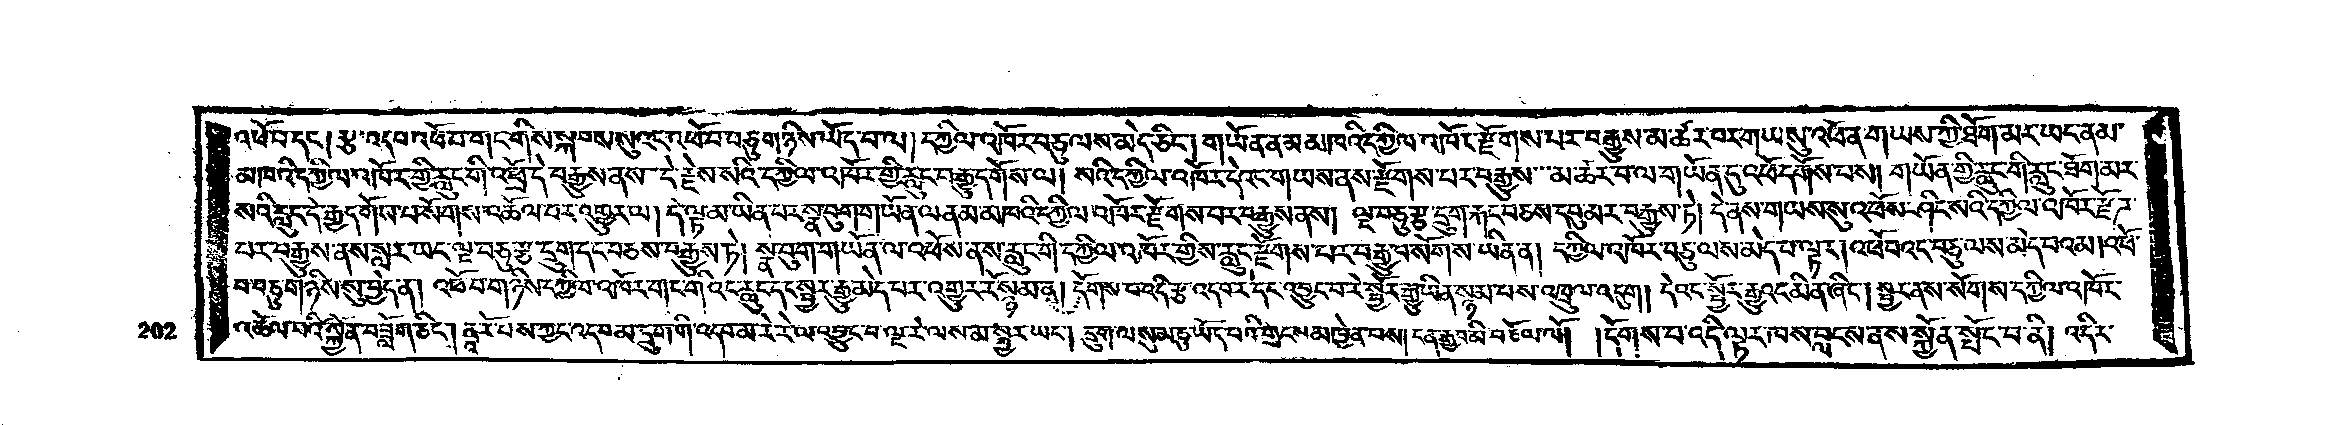འཕོ་བ་དང་། རྩ་འདབ་འཕོ་བ་གང་གིས་སྐབས་སུའང་འཕོ་བ་བཅུ་གཉིས་ཡོད་པ་ལ། དཀྱིལ་འཁོར་བཅུ་ལས་མེད་ཅིང་། གཡོན་ནམ་མཁའི་དཀྱིལ་འཁོར་རྫོགས་པར་བརྒྱུས་མ་ཚར་བར་གཡས་སུ་འཕོ་ན་གཡས་ཀྱི་ཐོག་མར་ཡང་ནམ་
མཁའི་དཀྱིལ་འཁོར་གྱི་རླུང་གི་འཕྲོ་དེ་བརྒྱུས་ནས་དེ་རྗེས་སའི་དཀྱིལ་འཁོར་གྱི་རླུང་བརྒྱུ་དགོས་ལ། སའི་དཀྱིལ་འཁོར་དེའང་གཡས་ནས་རྫོགས་པར་བརྒྱུས་མ་ཚར་བ་ལ་གཡོན་དུ་འཕོ་དགོས་པས། གཡོན་གྱི་རླུང་གི་རླུང་ཐོག་མར་
སའི་རླུང་དེ་རྒྱ་དགོས་པ་སོགས་འཆོལ་བར་འགྱུར་ལ། དེ་ལྟ་མ་ཡིན་པར་སྣ་བུག་གཡོན་ལ་ནམ་མཁའི་དཀྱིལ་འཁོར་རྫོགས་པར་བརྒྱུས་ནས། ལྔ་བཅུ་རྩ་དྲུག་རྐང་བཅས་དབུ་མར་བརྒྱུས་ཏེ། དེ་ནས་གཡས་སུ་འཕོས་ཤིང་སའི་དཀྱིལ་འཁོར་རྫོགས་
པར་བརྒྱུས་ནས་སླར་ཡང་ལྔ་བཅུ་རྩ་དྲུག་དང་བཅས་བརྒྱུས་ཏེ། སྣ་བུག་གཡོན་ལ་འཕོས་ནས་རླུང་གི་དཀྱིལ་འཁོར་གྱིས་རླུང་རྫོགས་པར་བརྒྱུ་བ་སོགས་ཡིན་ན། དཀྱིལ་འཁོར་བཅུ་ལས་མེད་པ་ལྟར། འཕོ་བའང་བཅུ་ལས་མེད་པའམ། འཕོ་
བ་བཅུ་གཉིས་སུ་བྱེད་ན། འཕོ་བ་གཉིས་དཀྱིལ་འཁོར་གང་གིའང་རླུང་དང་སྦྱར་རྒྱུ་མེད་པར་འགྱུར་རོ་སྙམ་ན། དོགས་པ་འདི་རྩ་འདབ་རེ་དང་འབྱུང་བ་རེ་སྦྱོར་རྒྱུ་ཡིན་སྙམ་པས་འཁྲུལ་འདུག །དེའང་སྦྱོར་རྒྱུའང་མིན་ཞིང་། སྦྱར་ནས་སོགས་དཀྱིལ་འཁོར་
འཚོལ་བའི་སྐྱོན་བཟློག་ཅིང་། ནཱ་རོ་པས་ཀྱང་འདབ་མ་དྲུག་གི་འདབ་མ་རེ་རེ་ལ་འབྱུང་བ་ལྔ་རེ་རེ་ལས་མ་སྦྱར་ཡང་། དྲུག་ལ་སུམ་ཅུ་ཡོད་པའི་གྲངས་མཁྱེན་པས། ངན་རྒྱབ་མི་བཅོལ་ལོ། །དོགས་པ་འདི་ལྟར་ཁས་བླངས་ནས་སྐྱོན་སྤོང་བ་ནི། འདིར་